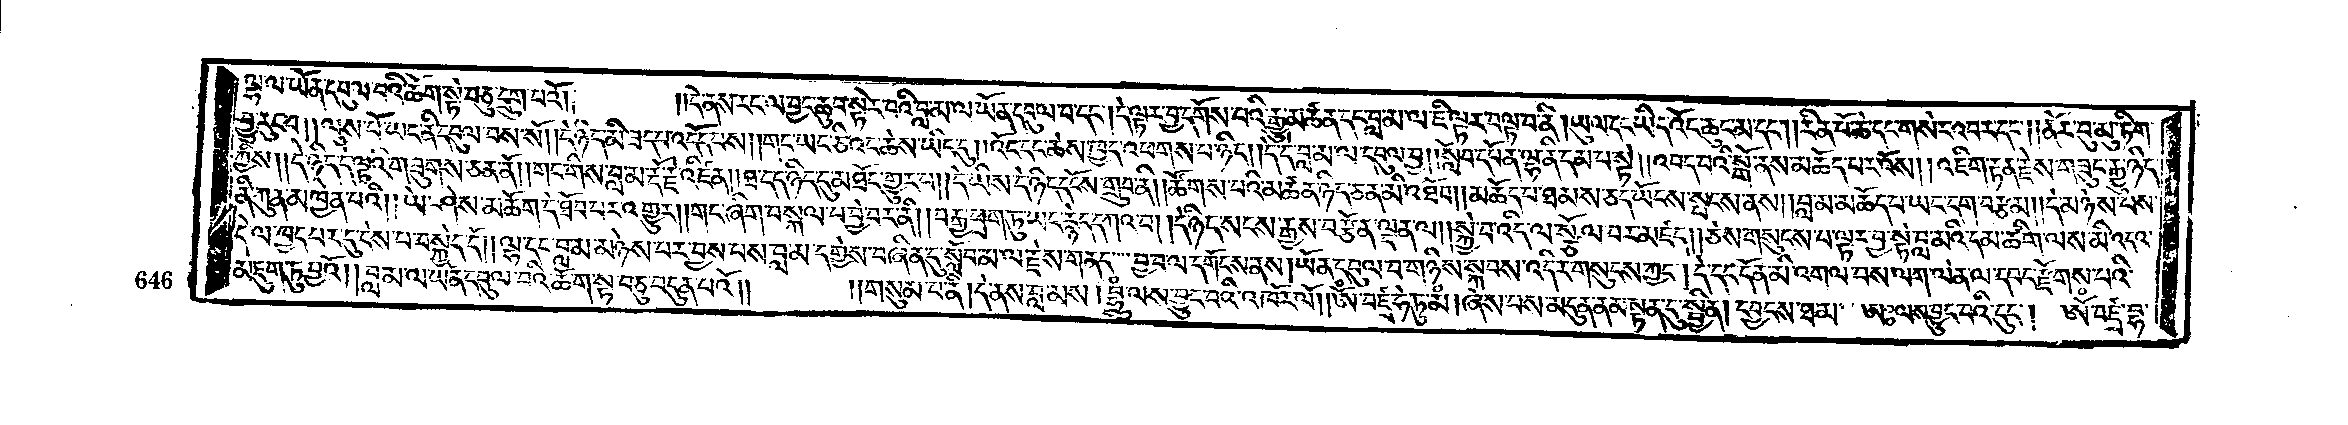ལྷ་ལ་ཡན་དབུལ་བའི་ཆོག་སྟེ་བཅུ་དྲུག་པའོ།། །།དེ་ནས་རང་ལ་བྱང་ཆུབ་སྟེར་བའི་བླ་མ་ལ་ཡོན་དབུལ་བ་དང་། དེ་ལྟར་བྱ་དགོས་པའི་རྒྱུ་མཚན་དང་བླ་མ་ལ་ཇི་ལྟར་བལྟ་བ་ནི། ཡུལ་དང་ཡིད་འོང་ཆུང་མ་དང་། །རིན་པོ་ཆེ་དང་གསེར་འབར་དང་། །ནོར་བུ་མུ་ཏིག་
བྱུ་རུ་དང་། །ལུས་པོ་ཡང་ནི་དབུལ་བས་སོ། །དེ་ཉིད་མི་ཟད་པ་འདོད་པས། །གང་ཡང་ཅིའང་ཆེས་ཡིད་དུ། །འོང་དང་ཆེས་ཁྱད་འཕགས་པ་ཉིད། །དེ་དེ་བླ་མ་ལ་དབུལ་བྱ། །སློབ་དཔོན་ལྷ་ནི་དམ་པ་སྟེ། །འབད་བའི་སྒོ་ནས་མཆོད་པར་འོས། །འཇིག་རྟེན་རྗེས་གཟུང་རྒྱུ་ཉིད་
ཀྱིས། །དེ་ཉིད་དེ་ལྟའི་གཟུགས་ཅན་ནོ། །གང་གིས་བླ་མ་རྡོ་རྗེ་འཛིན། །ཐ་དད་ཉིད་དུ་མཐོང་གྱུར་པ། །དེ་ཡིས་དེ་ཉིད་དངོས་གྲུབ་ནི། །ཚོགས་པའི་མཚན་ཉིད་ཅན་མི་འཐོབ། །མཆོད་པ་ཐམས་ཅད་ཡོངས་སྤངས་ནས། །བླ་མ་མཆོད་པ་ཡང་དག་བརྩམ། །དེ་མཉེས་པས་
ནི་ཀུན་མཁྱེན་པའི། །ཡེ་ཤེས་མཆོག་དེ་ཐོབ་པར་འགྱུར། །གང་ཞིག་བསྐལ་པ་བྱེ་བར་ནི། །བརྒྱ་ཕྲག་ཏུ་ཡང་རྙེད་དཀའ་བ། །དེ་ཉིད་སངས་རྒྱས་བརྩོན་ལྡན་ལ། །སྐྱེ་བ་འདི་ལ་སྩོལ་བར་མཛད། །ཅེས་གསུངས་པ་ལྟར་བྱ་སྟེ་བླ་མའི་དམ་ཚིག་ལས་མི་འདའ་
བ་ལ་ཁྱད་པར་དུ་ངེས་པ་བསྐྱེད་དོ། །ལྷ་དང་བླ་མ་མཉེས་པར་བྱས་པས་བླ་མ་དགྱེས་བཞིན་དུ་སློབ་མ་ལ་རྗེས་གནང་བྱ་བ་ལ་དགོངས་ནས། ཡོན་དབུལ་བ་གཉིས་སྐབས་འདིར་གསུངས་ཀྱང་། དེ་དང་དོན་མི་འགལ་བས་ལག་ལེན་ལ་དབང་རྫོགས་པའི་
མཇུག་ཏུ་བྱའོ། །བླ་མ་ལ་ཡོན་དབུལ་བའི་ཆོ་ག་སྟ་བཅུ་བདུན་པའོ།། །།གསུམ་པ་ནི། དེ་ནས་བླ་མས། བྷྲུཾ་ལས་བྱུང་བའི་འཁོར་ལོ། །ཨོཾ་བཛྲ་ཧེ་ཏུ་མཾ། ཞེས་པས་མདུན་ནམ་སྟན་དུ་སྦྱིན། དབྱངས་ཐ་མ་ཨཿ ལས་བྱུང་བའི་དུང་། ཨོཾ་བཛྲེ་བྷ་